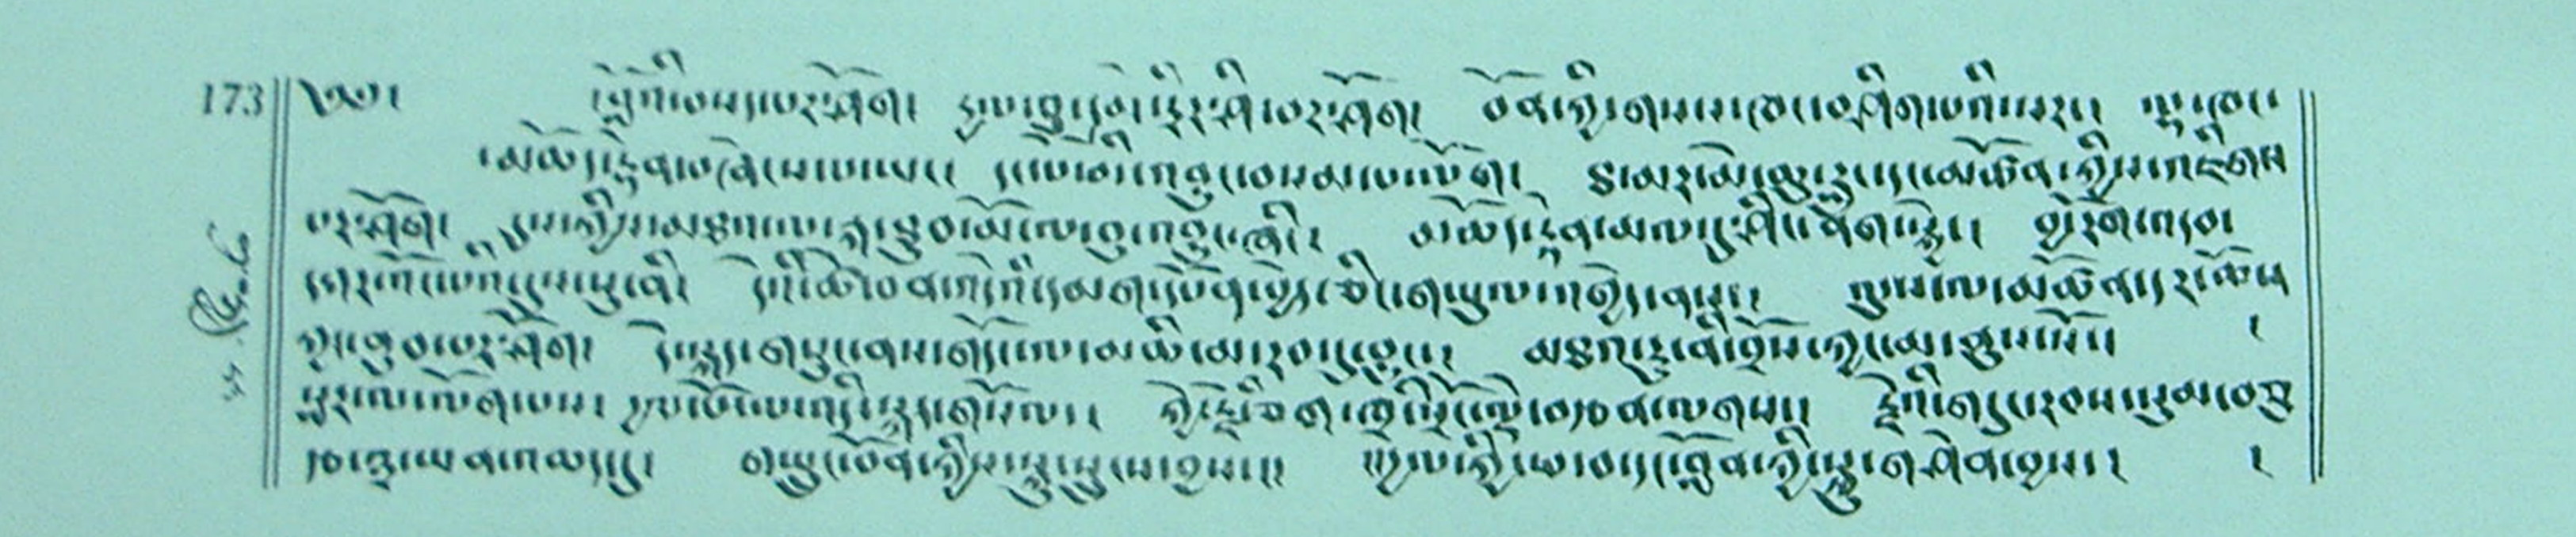༄༅། །བློའི་བསད་བར་ཤོག རྒྱལ་བུ་དམེ་དྲིར་ཤི་བར་ཤོག བོན་གྱི་གསས་ཁང་བཤིགས་པའི་སར། ལྷ་ཁང་
མཆོད་རྟེན་བཞེངས་པ་ཡང་། དང་པོ་མི་འབྱུང་བསམ་པ་ལོག ཐ་མར་མེ་ཆུ་རླུང་དང་མཚོན་གྱིས་འཇིག་
པར་ཤོག དུས་ཀྱི་ཐ་མར་དཀའ་ཐུབ་མོ་ལ་བུ་འབྱུང་ཞིང་། མཆོད་རྟེན་མལ་དུ་ཤིང་ནག་སྐྱེ། བྱ་རོག་འདབ་
དཀར་འོང་བའི་དུས་སུ་ནི། དེའི་ཚེ་བན་དྷེ་ཡིས་དམག་དཔོན་བྱེད་ཅིང་གཡུལ་འབྱེད་ནས། ལུས་ལ་མཚོན་དར་ཆོས་
ཀྱང་ནུབ་པར་ཤོག དེ་སྐད་གསུངས་ནས་གདོང་ལ་མཆི་མ་རབ་ཏུ་བྱུང་། མཐའ་རུ་ནི་བྲོས་ཀྱང་མ་ནུས་སོ། །
སླར་ལ་ལོག་པས་རྒྱལ་བོ་ལ་འདི་སྐད་གསོལ། ཀྱེ་རྗེ་གཅིག་ཁྲི་སྲོང་ལྡེ་བཙན་ལགས། རྗེའི་གདུང་རབས་སུམ་བཅུ་
རྩ་གསུམ་ཡན་ཆད་དུ། གཡུང་དྲུང་བོན་གྱི་སྐུ་བསྲུངས་བྱས། རྒྱལ་གྱི་ཕ་བ་དང་བློན་གྱི་སྐུ་གཤེན་བྱས།